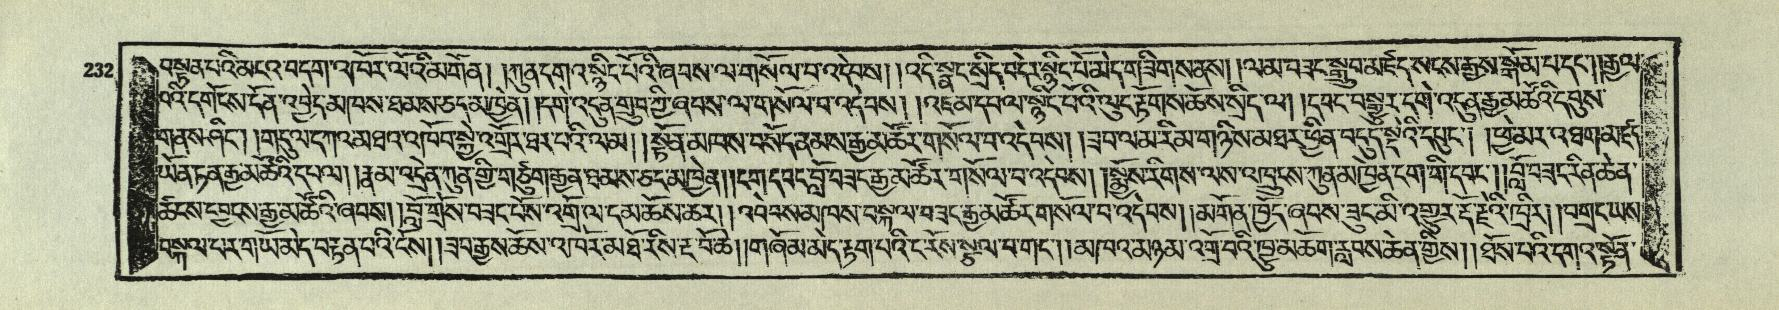བསྟན་པའི་མངའ་བདག་འཁོར་ལོའི་མགོན། །ཀུན་དགའ་སྙིང་པོའི་ཞབས་ལ་གསོལ་བ་འདེབས། །འདི་སྣང་སྲིད་བདེར་སྙིང་པོ་མེད་གཟིགས་ནས། །ལམ་བཟང་སྒྲུབ་མཛད་སངས་རྒྱས་སྒོམ་པ་དང་། །རྒྱལ་
བའི་དགོངས་དོན་འབྱེད་མཁས་ཐམས་ཅད་མཁྱེན། །དགེ་འདུན་གྲུབ་ཀྱི་ཞབས་ལ་གསོལ་བ་འདེབས། །འཇམ་དཔལ་སྙིང་པོའི་ལུང་རྟོགས་ཆོས་སྲིད་ལ། །དབང་བསྒྱུར་དགེ་འདུན་རྒྱ་མཚོའི་དབུས་
གནས་ཤིང་། །གདུལ་དཀའ་མཐའ་འཁོབ་སྐྱེ་འགྲོར་ཐར་པའི་ལམ། །སྟོན་མཁས་བསོད་ནམས་རྒྱ་མཚོར་གསོལ་བ་འདེབས། །ཟབ་ལམ་རིམ་གཉིས་མཐར་ཕྱིན་བདུད་སྡེའི་དཔུང་། །ཕྱེ་མར་འཐག་མཛད་
ཡོན་ཏན་རྒྱ་མཚོའི་དཔལ། །རྣམ་འདྲེན་ཀུན་གྱི་གཙུག་རྒྱན་ཐམས་ཅད་མཁྱེན། །ངག་དབང་བློ་བཟང་རྒྱ་མཚོར་གསོལ་བ་འདེབས། །སྨྱོས་རིགས་ལས་འཁྲུངས་ཀུན་མཁྱེན་ངག་གི་དབང་། །བློ་བཟང་རིན་ཆེན་
ཚངས་དབྱངས་རྒྱ་མཚོའི་ཞབས། །བློ་གྲོས་བཟང་པོས་འགྲོ་ལ་དམ་ཆོས་ཆར། །འབེབས་མཁས་བསྐལ་བཟང་རྒྱ་མཚོར་གསོལ་བ་འདེབས། །མགོན་ཁྱོད་ཞབས་ཟུང་མི་འགྱུར་རྡོ་རྗེའི་ཁྲིར། །བགྲང་ཡས་
བསྐལ་པར་གཡོ་མེད་བརྟན་པའི་ངོས། །ཟབ་རྒྱས་ཆོས་འཁོར་མཐོ་རིས་རྔ་བོ་ཆེ། །གཞོམ་མེད་རྟག་པའི་ང་རོས་སྩལ་བ་གང་། །མཁའ་མཉམ་འགྲོ་བའི་ཁྱུ་མཆོག་རླབས་ཆེན་གྱིས། །ཐོས་པའི་དགའ་སྟོན་